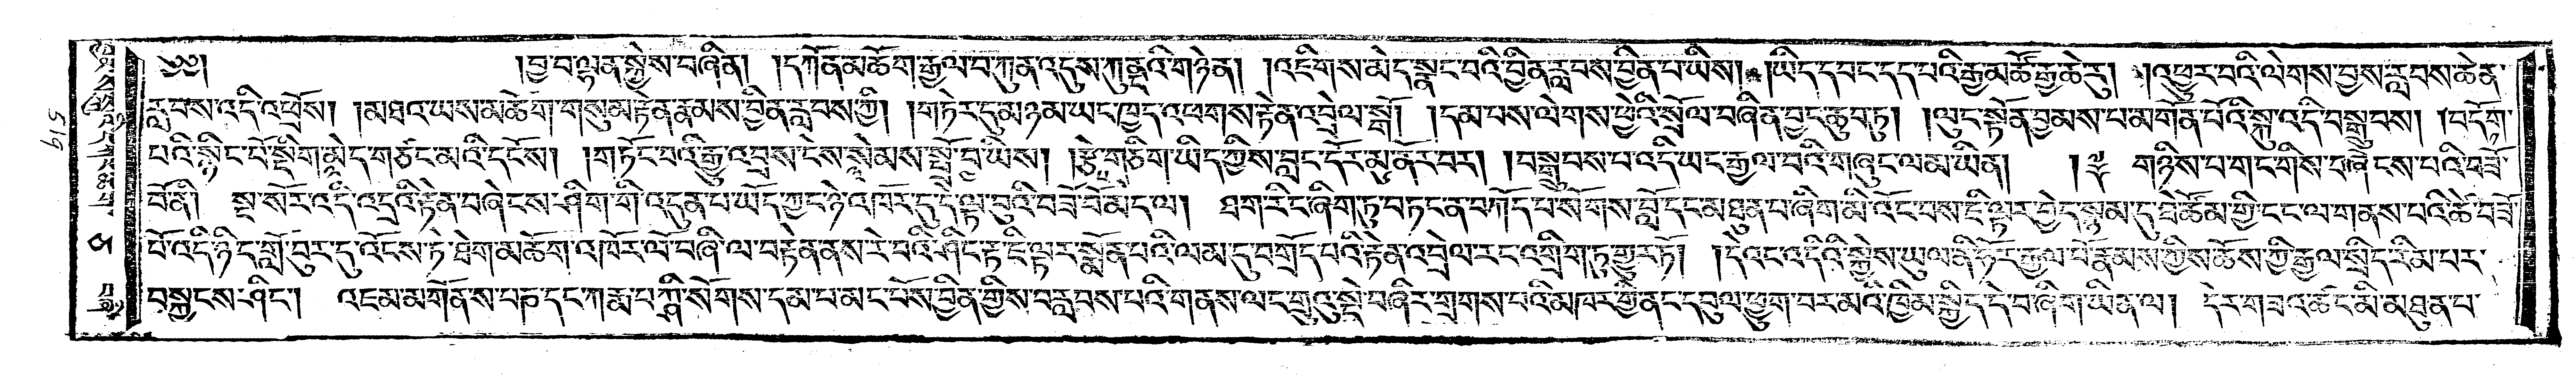༄༅། །བྱ་བ་ལྷན་སྐྱེས་བཞིན། །དཀོན་མཆོག་རྒྱལ་བ་ཀུན་འདུས་ཀུནྡའི་གཉེན། །འཇིགས་མེད་སྣང་བའི་བྱིན་རླབས་བྱིན་པ་ཡིས། །ཡིད་དབང་དད་པའི་རྒྱ་མཚོ་རྒྱ་ཆེ་རུ། །འཕྱུར་བའི་ལེགས་བྱས་རླབས་ཆེན་
རླབས་འདི་འཕྲོས། །མཐའ་ཡས་མཆོག་གསུམ་རྟེན་རྣམས་བྱིན་རླབས་ཀྱི། །གཏེར་དུ་མཉམ་ཡང་ཁྱད་འཕགས་རྟེན་འབྲེལ་སྒོ། །དམ་པས་ལེགས་ཕྱེའི་སྲོལ་བཞིན་བྱང་ཆུབ་ཏུ། །ལུང་སྟོན་བྱམས་པ་མགོན་པོའི་སྐུ་འདི་བསྒྲུབས། །བདོག་
བའི་སྙིང་པོ་སྡིག་མེད་གཙང་མའི་དངོས། །གཏོང་བའི་རྒྱུ་འབྲས་ངེས་སེམས་སྤྲོ་བྱ་ཡིས། །རྩེ་གཅིག་ཡིད་ཀྱིས་བླང་དོར་མུ་ནོར་བར། །བསྒྲུབས་པ་འདི་ཡང་རྒྱལ་བའི་གཞུང་ལམ་ཡིན། ། ༈ གཉིས་པ་གང་གིས་བཞེངས་པའི་བཟོ་
བོ་ནི། སྔ་སོར་འདི་འདྲའི་རྟེན་བཞེངས་ཤིག་གི་འདུན་པ་ཡོད་ཀྱང་ཉེ་འཁོར་དུ་དེ་ལྟ་བུའི་བཟོ་བོ་མེད་ལ། ཐག་རིང་ཞིག་ཏུ་བཏང་ན་བཀོད་པ་སོགས་བློ་དང་མཐུན་པ་ཞིག་མི་འོང་བས་ཇི་ལྟར་བྱེད་སྙམ་དུ་ཐེ་ཚོམ་གྱི་ངང་ལ་གནས་པའི་ཚེ་བཟོ་
བོ་འདི་ཉིད་གློ་བུར་དུ་འོངས་ཏེ་ཐེག་མཆོག་འཁོར་ལོ་བཞི་ལ་བརྟེན་ནས་རེ་བའི་ཤིང་རྟ་ཇི་ལྟར་སྨོན་པའི་ལམ་དུ་བགྲོད་པའི་རྟེན་འབྲེལ་རང་འགྲིག་ཏུ་གྱུར་ཏོ། །དེའང་འདིའི་སྐྱེས་ཡུལ་ནི་ཧོར་རྒྱལ་པོ་རྣམས་ཀྱིས་ཆོས་ཀྱི་རྒྱལ་སྲིད་རིམ་པར་
བསྐྱངས་ཤིང་། འཇམ་མགོན་ས་པཎ་དང་ཀརྨ་བཀྴི་སོགས་དམ་པ་མང་པོས་བྱིན་གྱིས་བརླབས་པའི་གནས་ལང་གྲུའུ་སྡེ་བཞིར་གྲགས་པའི་མཁར་གྱི་ནང་དབུལ་ཕྱུག་བར་མའི་ཁྱིམ་སྐྱིད་དེ་བ་ཞིག་ཡིན་ལ། དེར་གཟའ་ཚང་མི་མཐུན་པ་